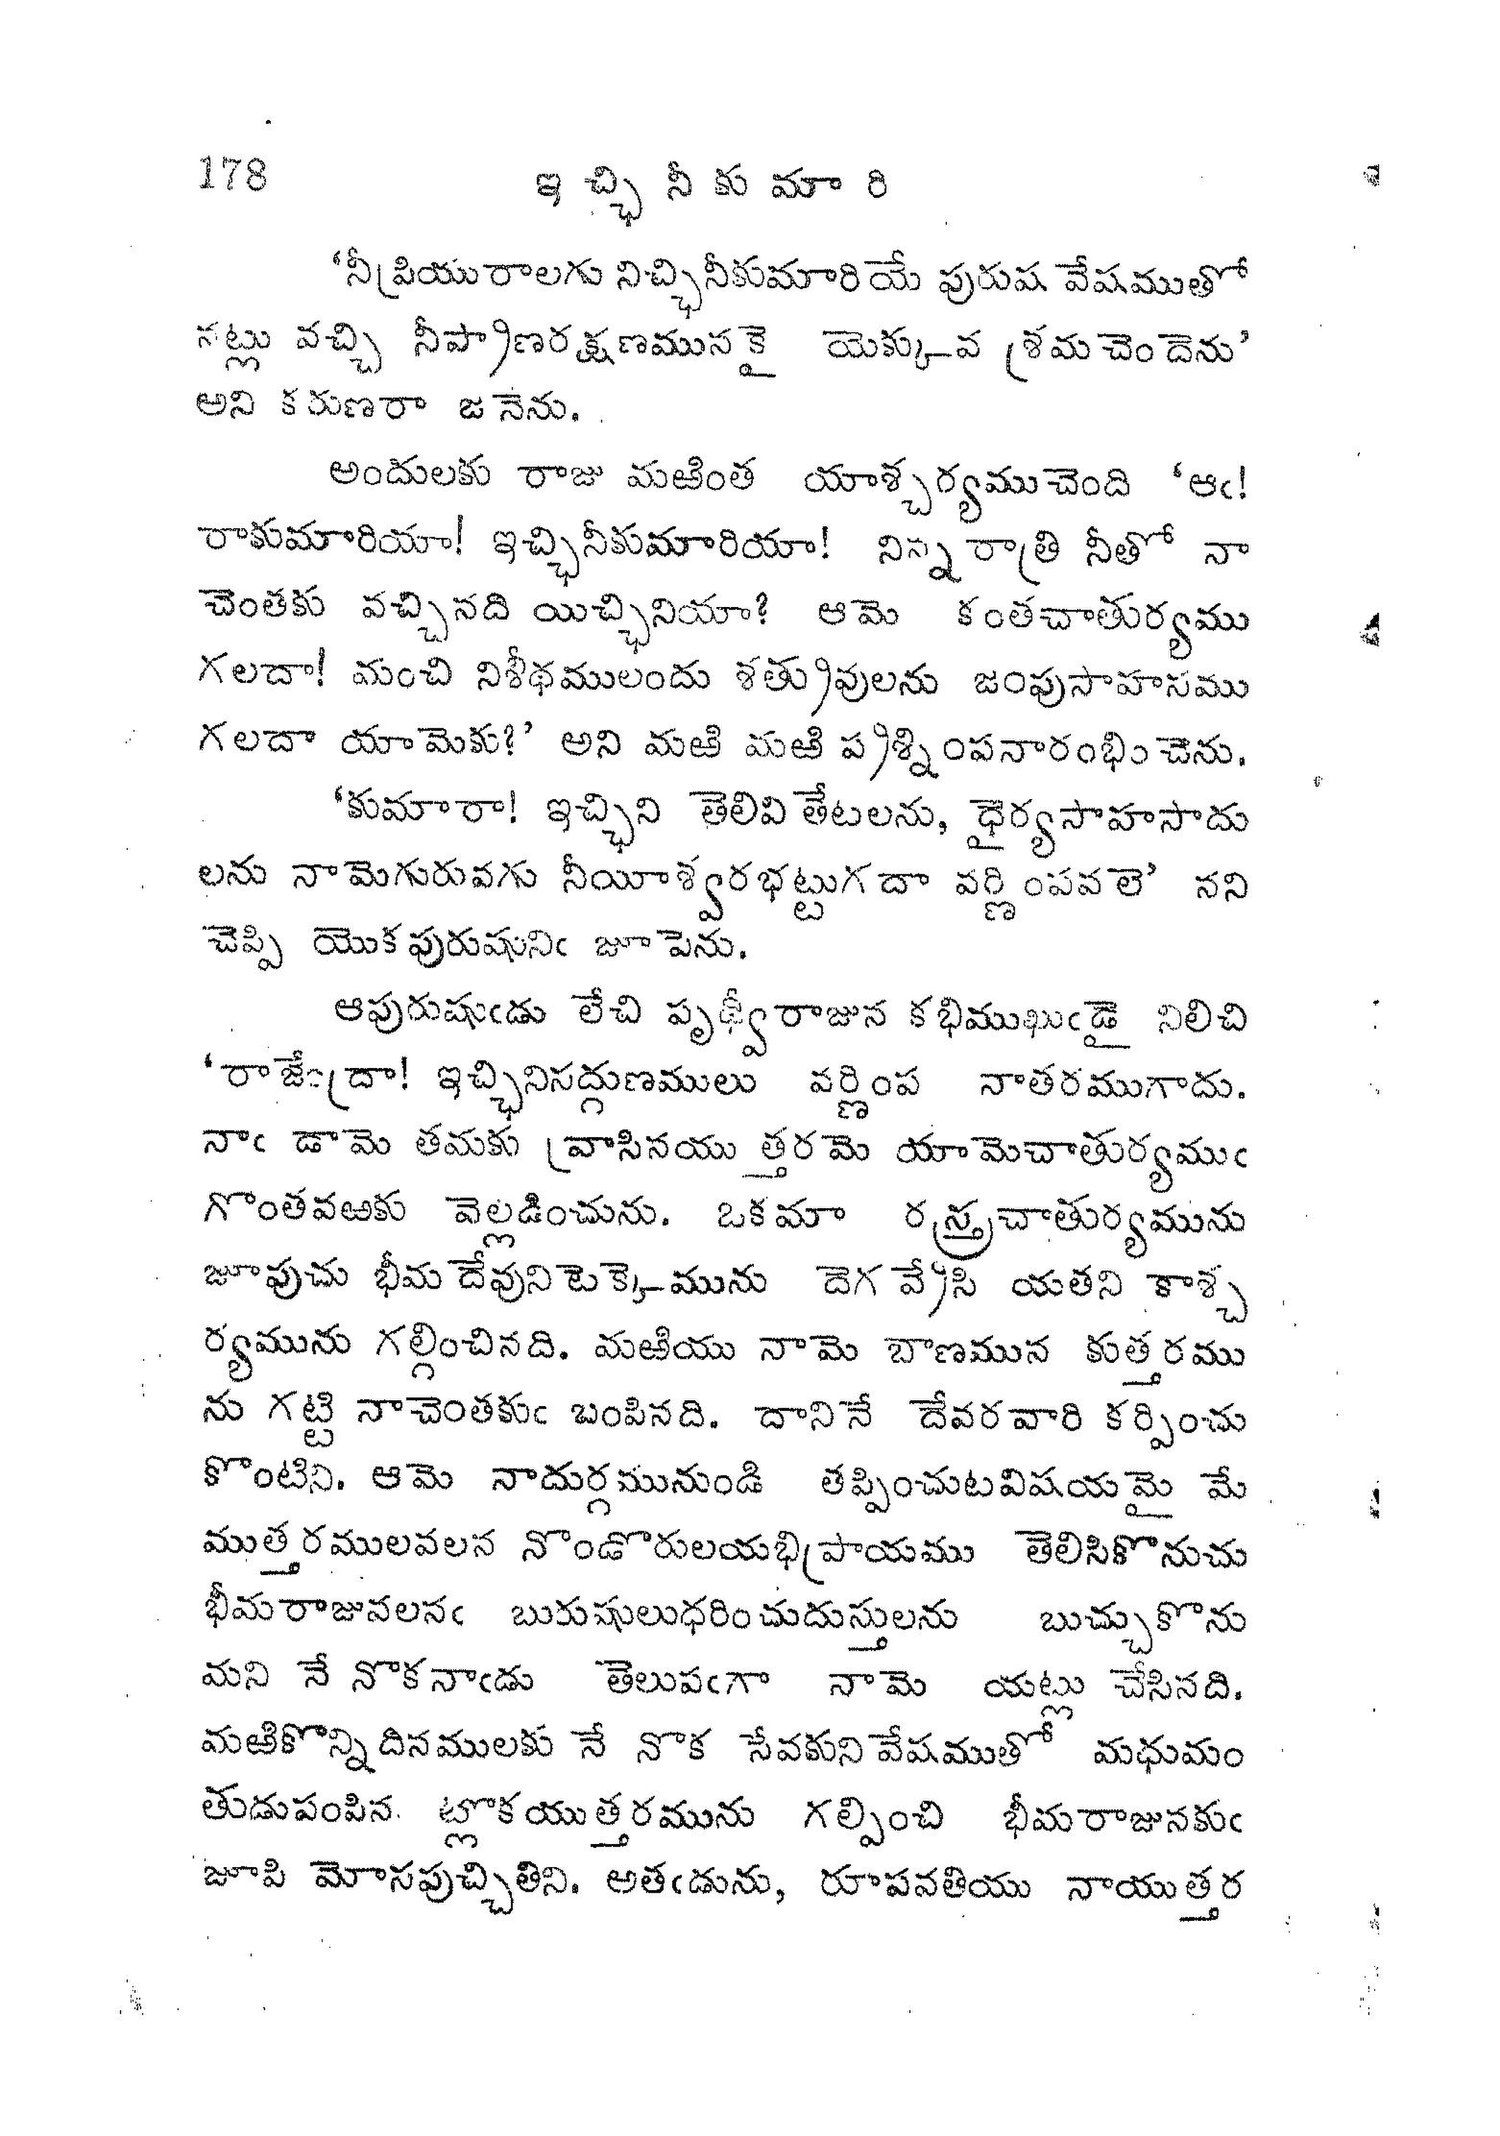“నీ ప్రియురాలగు నిచ్ఛినీ కుమారియే పురుష వేషముతో
నట్లు వచ్చి నీప్రాణరక్షణమునకై యెక్కువ శ్రమ చెందెను'
అని కరుణరాజ నెను.

అందులకు రాజు మఱింత యాశ్చర్యము చెంది 'ఆఁ!
రాకుమారియా! ఇచ్చి నీకుమారియా! నిన్న రాత్రి నీతో నా
చెంతకు వచ్చినది యిచ్చినియా! ఆమె కంతచాతుర్యము
గలదా! మంచి నిశీథములందు శత్రువులను జంపుసాహసము
గలదా యామెకు?' అని మఱి మఱి ప్రశ్నింపనారంభిం చెను,
'కుమారా! ఇచ్ఛిని తెలివి తేటలను, ధైర్యసాహసాదు
లను నామె గురువగు నీ యీశ్వర భట్టుగ దా వర్ణింపన లె' నని
చెప్పి యొక పురుషునిఁ జూ పెను.

ఆపురుషుఁడు లేచి పృథ్వీరాజున క భీముఖుఁడై నిలిచి
' రాజేంద్రా! ఇచ్ఛిని సద్గుణములు వర్ణింప నాతరముగాదు.
నాఁ డామె తమకు వ్రాసినయుత్తరమె యామేచాతుర్యముఁ
గొంతవఱకు వెల్లడించును. ఒకమా రస్ర చాతుర్యమును
జూపుచు భీమ దేవుని టెక్కెమును దెగ వేసి యతని కాశ్చ
ర్యమును గల్గించినది. మఱియు నామె బాణమున కుత్తరము
ను గట్టి నా చెంతకుఁ బంపినది. దానినే దేవర వారి కర్పించు
కొంటిని. ఆమె నాదుర్గ మునుండి తప్పించుట విషయమై మే
ముత్తరములవలన నొండొరుల యభిప్రాయము తెలిసికొనుచు
భీమరాజువలనఁ బురుషులు ధరించుదుస్తులను
బుచ్చుకొనుమని నే నొకన్నాడు తెలుపఁగా నామె
యట్లు చేసినది. మఱికొన్ని దినములకు నే నొక సేవకుని వేషముతో మధుమం
తుడు పంపిన ట్లోక యుత్తరమును గల్పించి భీమరాజునకు
జూపి మోసపుచ్చితిని. అతఁడును, రూపవతియు నాయుత్తర